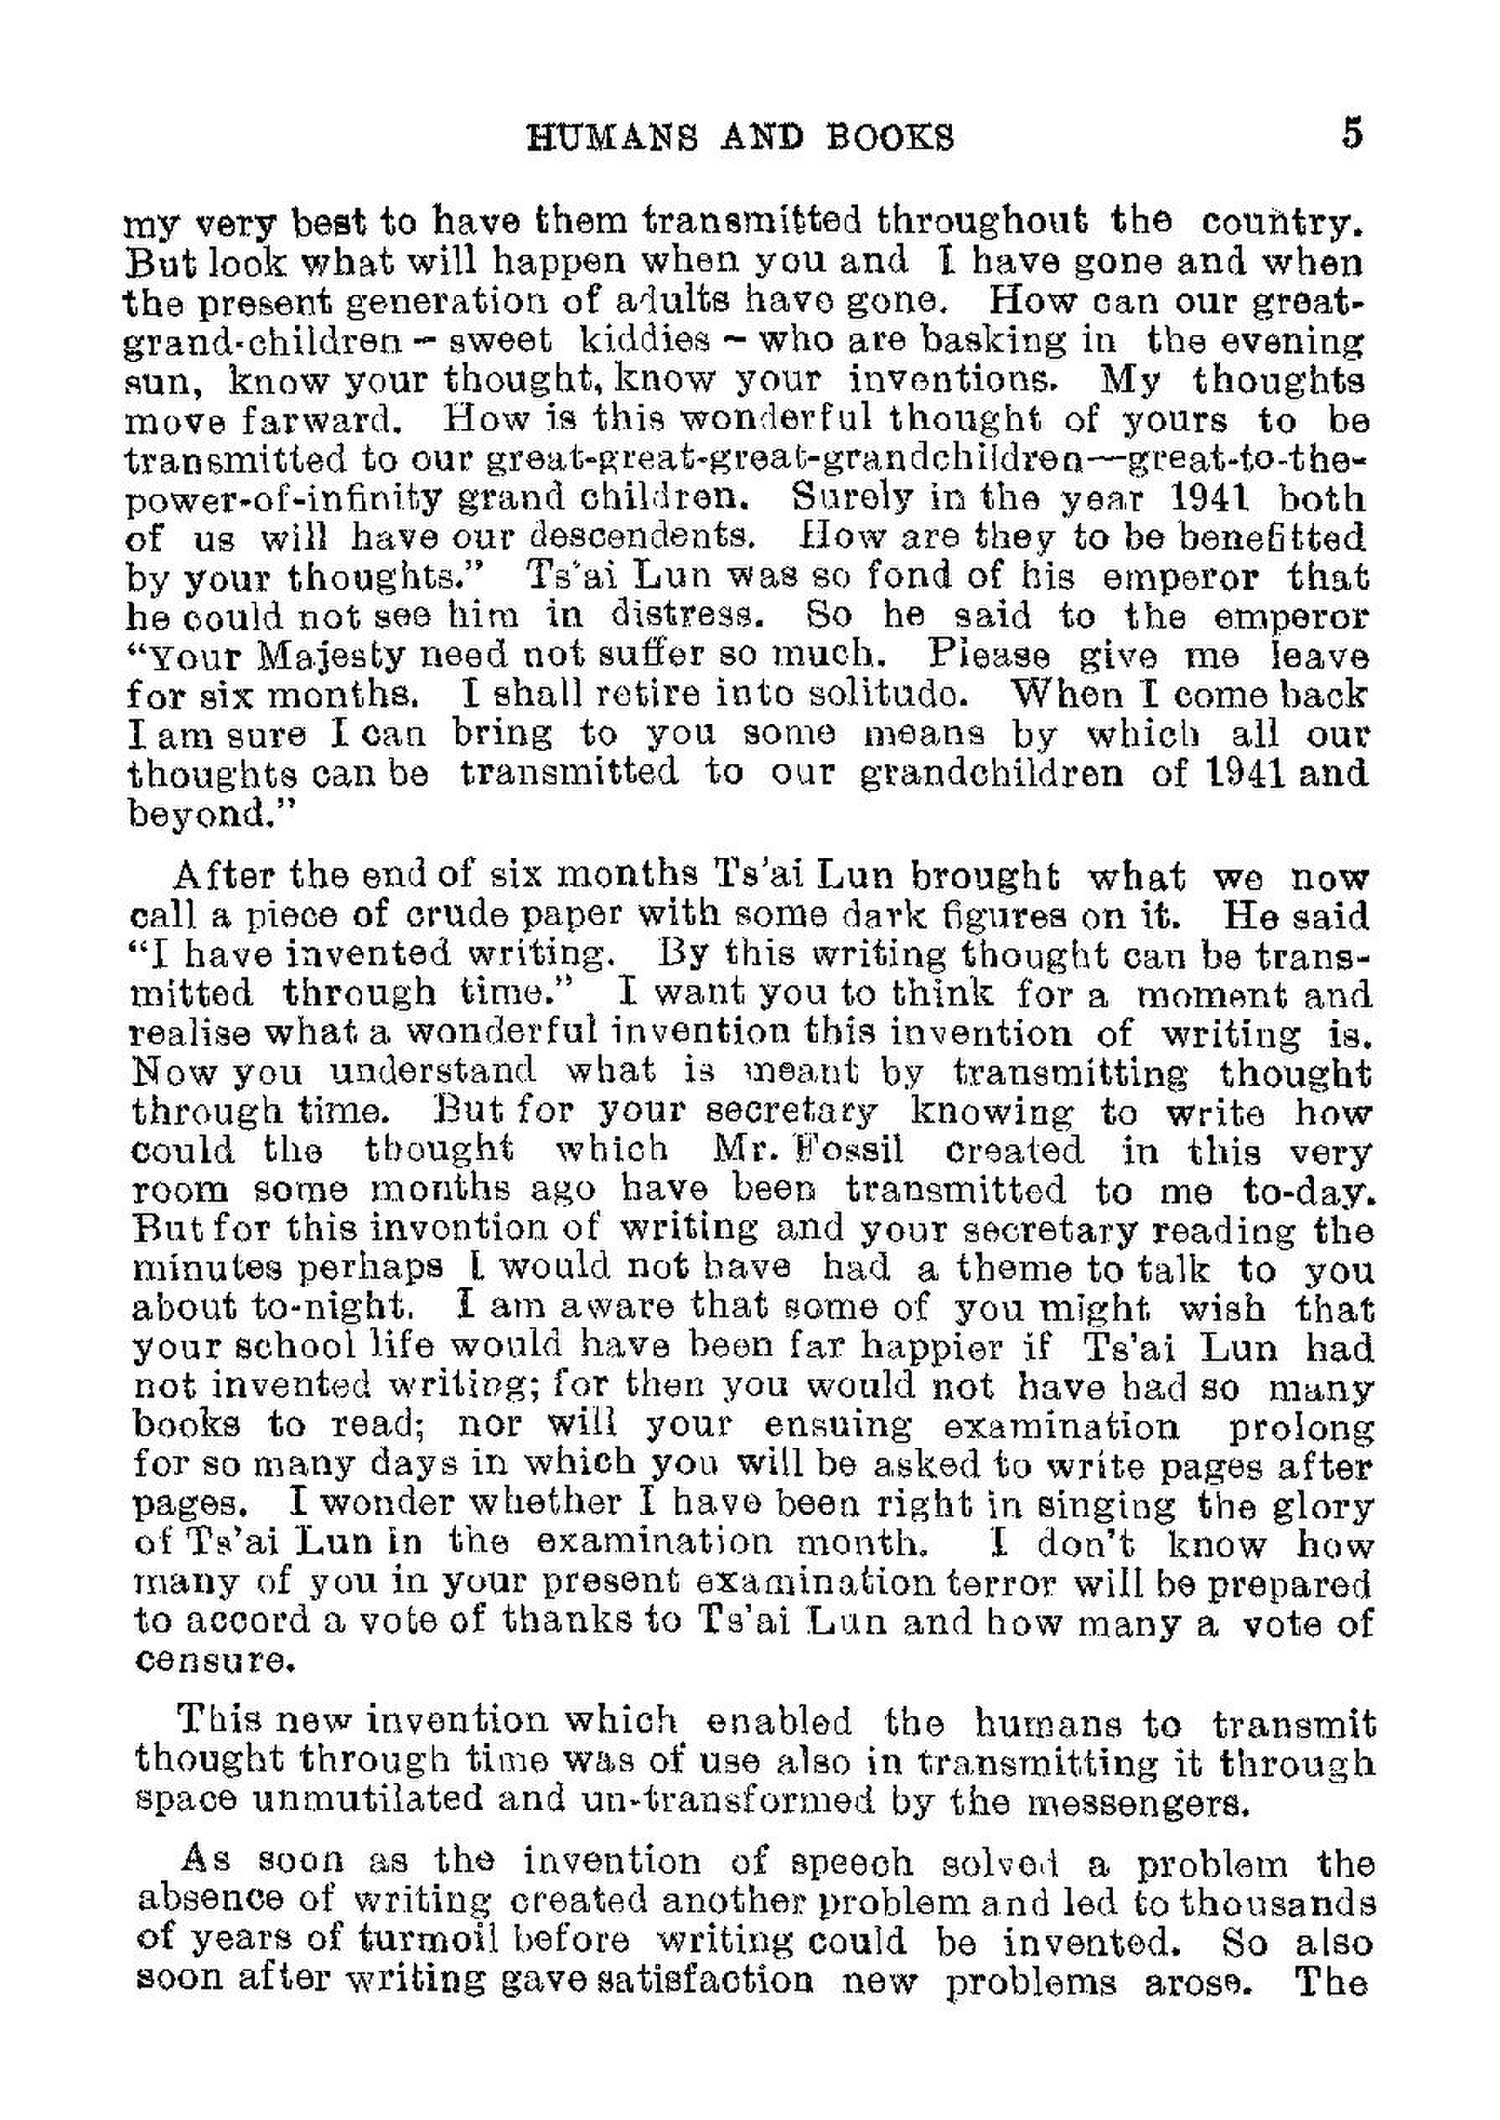my very best to have them transmitted throughout the country. But look what will happen when you and I have
gone and when the present generation of adults have gone. How can our great-grand-children-sweet kiddies - 
who are basking in the evening sun, know your thought, know your inventions. My thoughts move forward. How 
is this wonderful thought of yours to be transmitted to our great-great-great-grandchildren-great-to-the-
power-of-infinity grand children. Surely in the year 1941 both of us will have our descendants. How are 
they to be benefitted by your thoughts." Ts'ai Lun was so fond of his emperor that he could not see him in distress. So he said to the emperor "Your Majesty need not suffer so much. Please give me leave for
for six months. I shall retire into solitude. When I come back I am sure I can bring to you some means 
by which all our thoughts can be transmitted to our grandchildren of 1941 and beyond."

After the end of six months Ts'ai Lun brought what we now call a piece of crude paper with some dark 
figures on it. He said "I have invented writing. By this writing thought can be transmitted through time.
"I want you to think for a moment and realize what a wonderful invention this invention of writing is.
Now you understand what is meant by transmitting thought through time. But for your secretary knowing 
to write how could the thought which Mr. Fossil created in this very room some months ago have been 
transmitted to me to-day. But for this invention of writing and your secretary reading the minutes 
perhaps I would not have had a theme to talk to you about to-night. I am aware that some of you might 
wish that your school life would have been far happier if Ts'ai Lun had not invented writing; for then 
you would not have had so many books to read; nor will your ensuing examination prolong for so many 
days in which you will be asked to write pages after pages. I wonder whether I have been right in 
singing the glory of Ts'ai Lun in the examination month. I don't know how many of you in your present 
examination terror will be prepared to accord a vote of thanks to Ts'ai Lun and how many a vote of
censure.

This new invention which enabled the humans to transmit thought through time was of use also in 
transmitting it through space unmutilated and un-transformed by the messengers.

As soon as the invention of speech solved a problem the absence of writing created another problem 
and led to thousands of years of turmoil before writing could be invented. So also soon after writing
gave satisfaction new problems arose. The